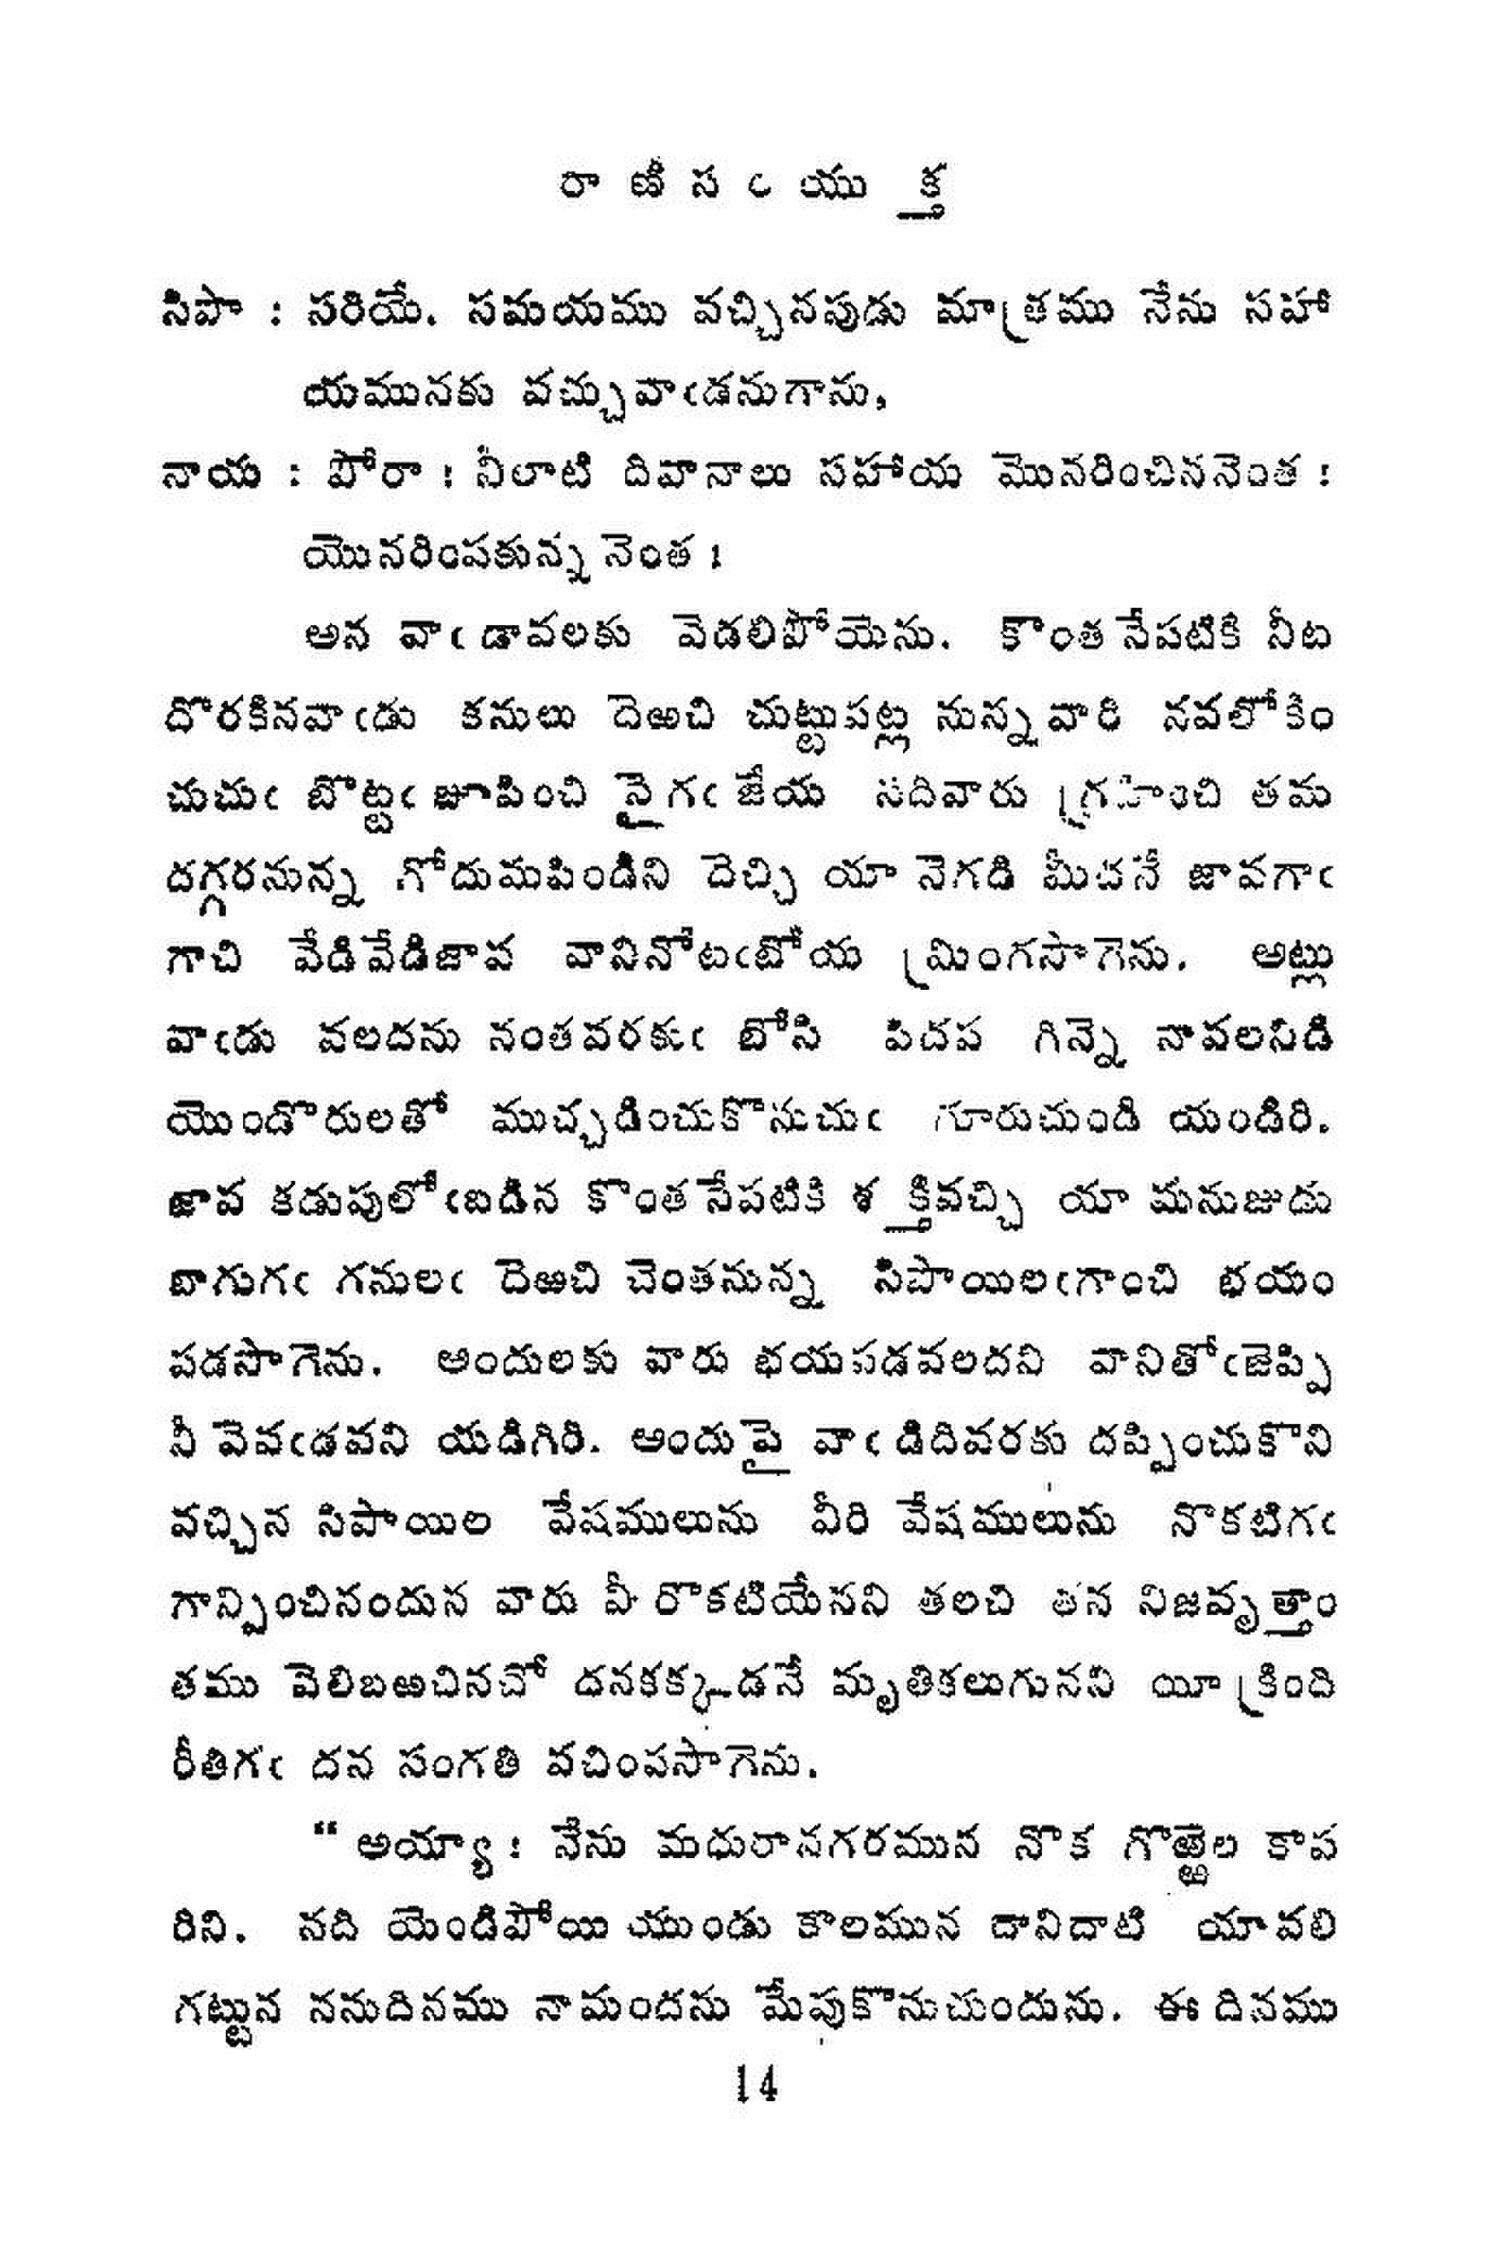సిపా : సరియే. సమయము వచ్చినపుడు మాత్రము నేను సహాయమునకు వచ్చువాఁడనుగాను, 

నాయ : పోరా ! నీలాటి దివానాలు సహాయ మొనరించిననెంత ! యొనరింపకున్న నెంత !

అన వాఁ డావలకు వెడలిపోయెను. కొంత సేపటికి నీట దొరకినవాఁడు కనులు దెఱచి చుట్టుపట్ల నున్నవారి నవలోకించుచుఁ బొట్టఁ జూపించి నైగఁ జేయ నదివారు గ్రహించి తమ దగ్గరనున్న గోదుమపిండిని దెచ్చి యా నెగడి మీదనే జావగాఁ గాచి వేడివేడిజావ వానినోటఁబోయ మ్రింగసాగెను. అట్లు వాడు వలదను నంతవరకుఁ బోసి పిదప గిన్నె నావలనిడి యొండొరులతో ముచ్చడించుకొనుచుఁ గూరుచుండి యుండిరి. జావ కడుపులోఁబడిన కొంతసేపటికి శక్తివచ్చి యా మనుజుడు బాగుగఁ గనులఁ దెఱచి చెంతనున్న సిపాయిలఁగాంచి భయం పడసాగెను. అందులకు వారు భయపడవలదని వానితోఁజెప్పి నీ వెవఁడవని యడిగిరి. అందుపై వాఁ డిదివరకు దప్పించుకొని వచ్చిన సిపాయిల వేషములును వీరి వేషములును నొకటిగఁ గాన్పించినందున వారు వీ రొకటియేనని తలచి తిన నిజవృత్తాంతము వెలిబఱచినచో దనకక్కడనే మృతికలుగునని యీ క్రింది రీతిగఁ దన సంగతి వచింపసాగెను.

" అయ్యా! నేను మధురానగరమున నొక గొఱ్ఱెల కాపరిని. నది యెండిపోయి యుండు కాలమున దానిదాటి యావలి గట్టున ననుదినము నామందను మేపుకొనుచుందును. ఈ దినము